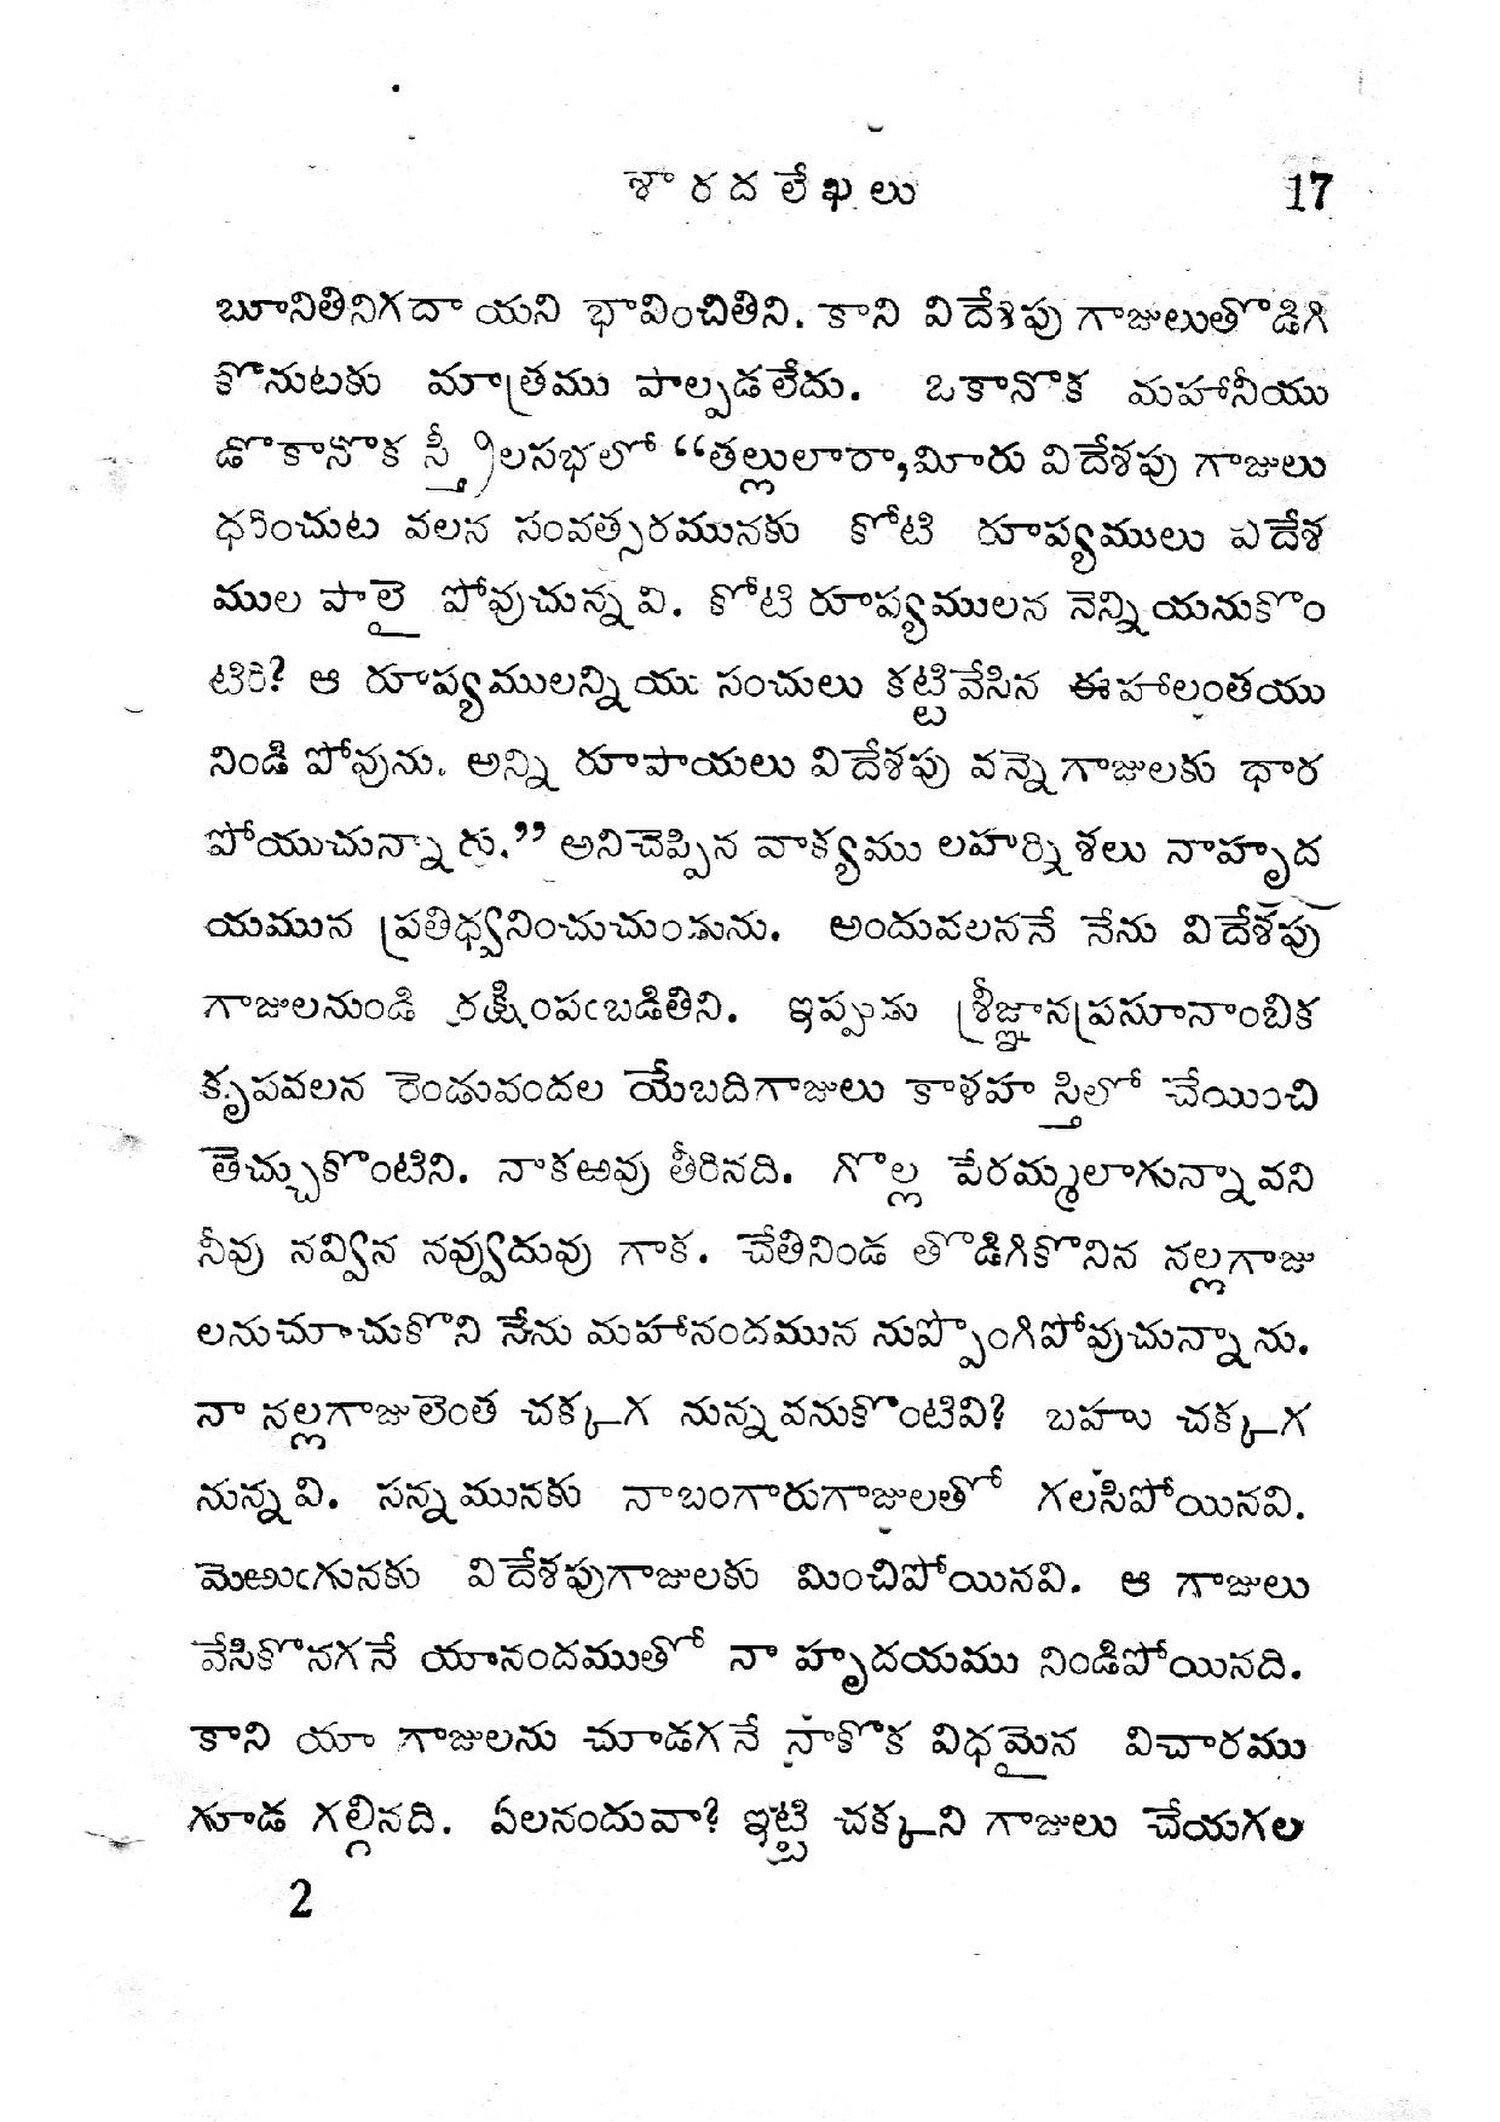బూనితినిగదా యని భావించితిని. కాని విదేశపు గాజులుతొడిగి కొనుటకు మాత్రము పాల్పడలేదు. ఒకానొక మహానీయు డొకానొక స్త్రీలసభలో "తల్లులారా, మీరు విదేశపు గాజులు ధరించుట వలన సంవత్సరమునకు కోటి రూప్యములు విదేశముల పాలై పోవుచున్నవి. కోటి రూప్యములన నెన్నియనుకొంటిరి? ఆ రూప్యములన్నియు సంచులు కట్టివేసిన ఈహాలంతయు నిండి పోవును. అన్ని రూపాయలు విదేశపు వన్నెగాజులకు ధారపోయుచున్నారు.” అనిచెప్పిన వాక్యము లహర్నిశలు నాహృదయమున ప్రతిధ్వనించుచుండును. అందువలననే నేను విదేశపు గాజులనుండి రక్షింపఁబడితిని. ఇప్పుడు శ్రీజ్ఞానప్రసూనాంబిక కృపవలన రెండువందల యేబదిగాజులు కాళ్ళహస్తిలో చేయించి తెచ్చుకొంటిని. నాకఱవు తీరినది. గొల్ల పేరమ్మలాగున్నావని నీవు నవ్విన నవ్వుదువు గాక. చేతినిండ తొడిగికొనిన నల్లగాజులనుచూచుకొని నేను మహానందమున నుప్పొంగిపోవుచున్నాను. నా నల్లగాజులెంత చక్కగ నున్నవనుకొంటివి? బహు చక్కగ నున్నవి. సన్నమునకు నాబంగారుగాజులతో గలసిపోయినవి. మెఱుఁగునకు విదేశపుగాజులకు మించిపోయినవి. ఆ గాజులు వేసికొనగనే యానందముతో నా హృదయము నిండిపోయినది. కాని యా గాజులను చూడగనే నాకొక విధమైన విచారము గూడ గల్గినది. ఏలనందువా? ఇట్టి చక్కని గాజులు చేయగల